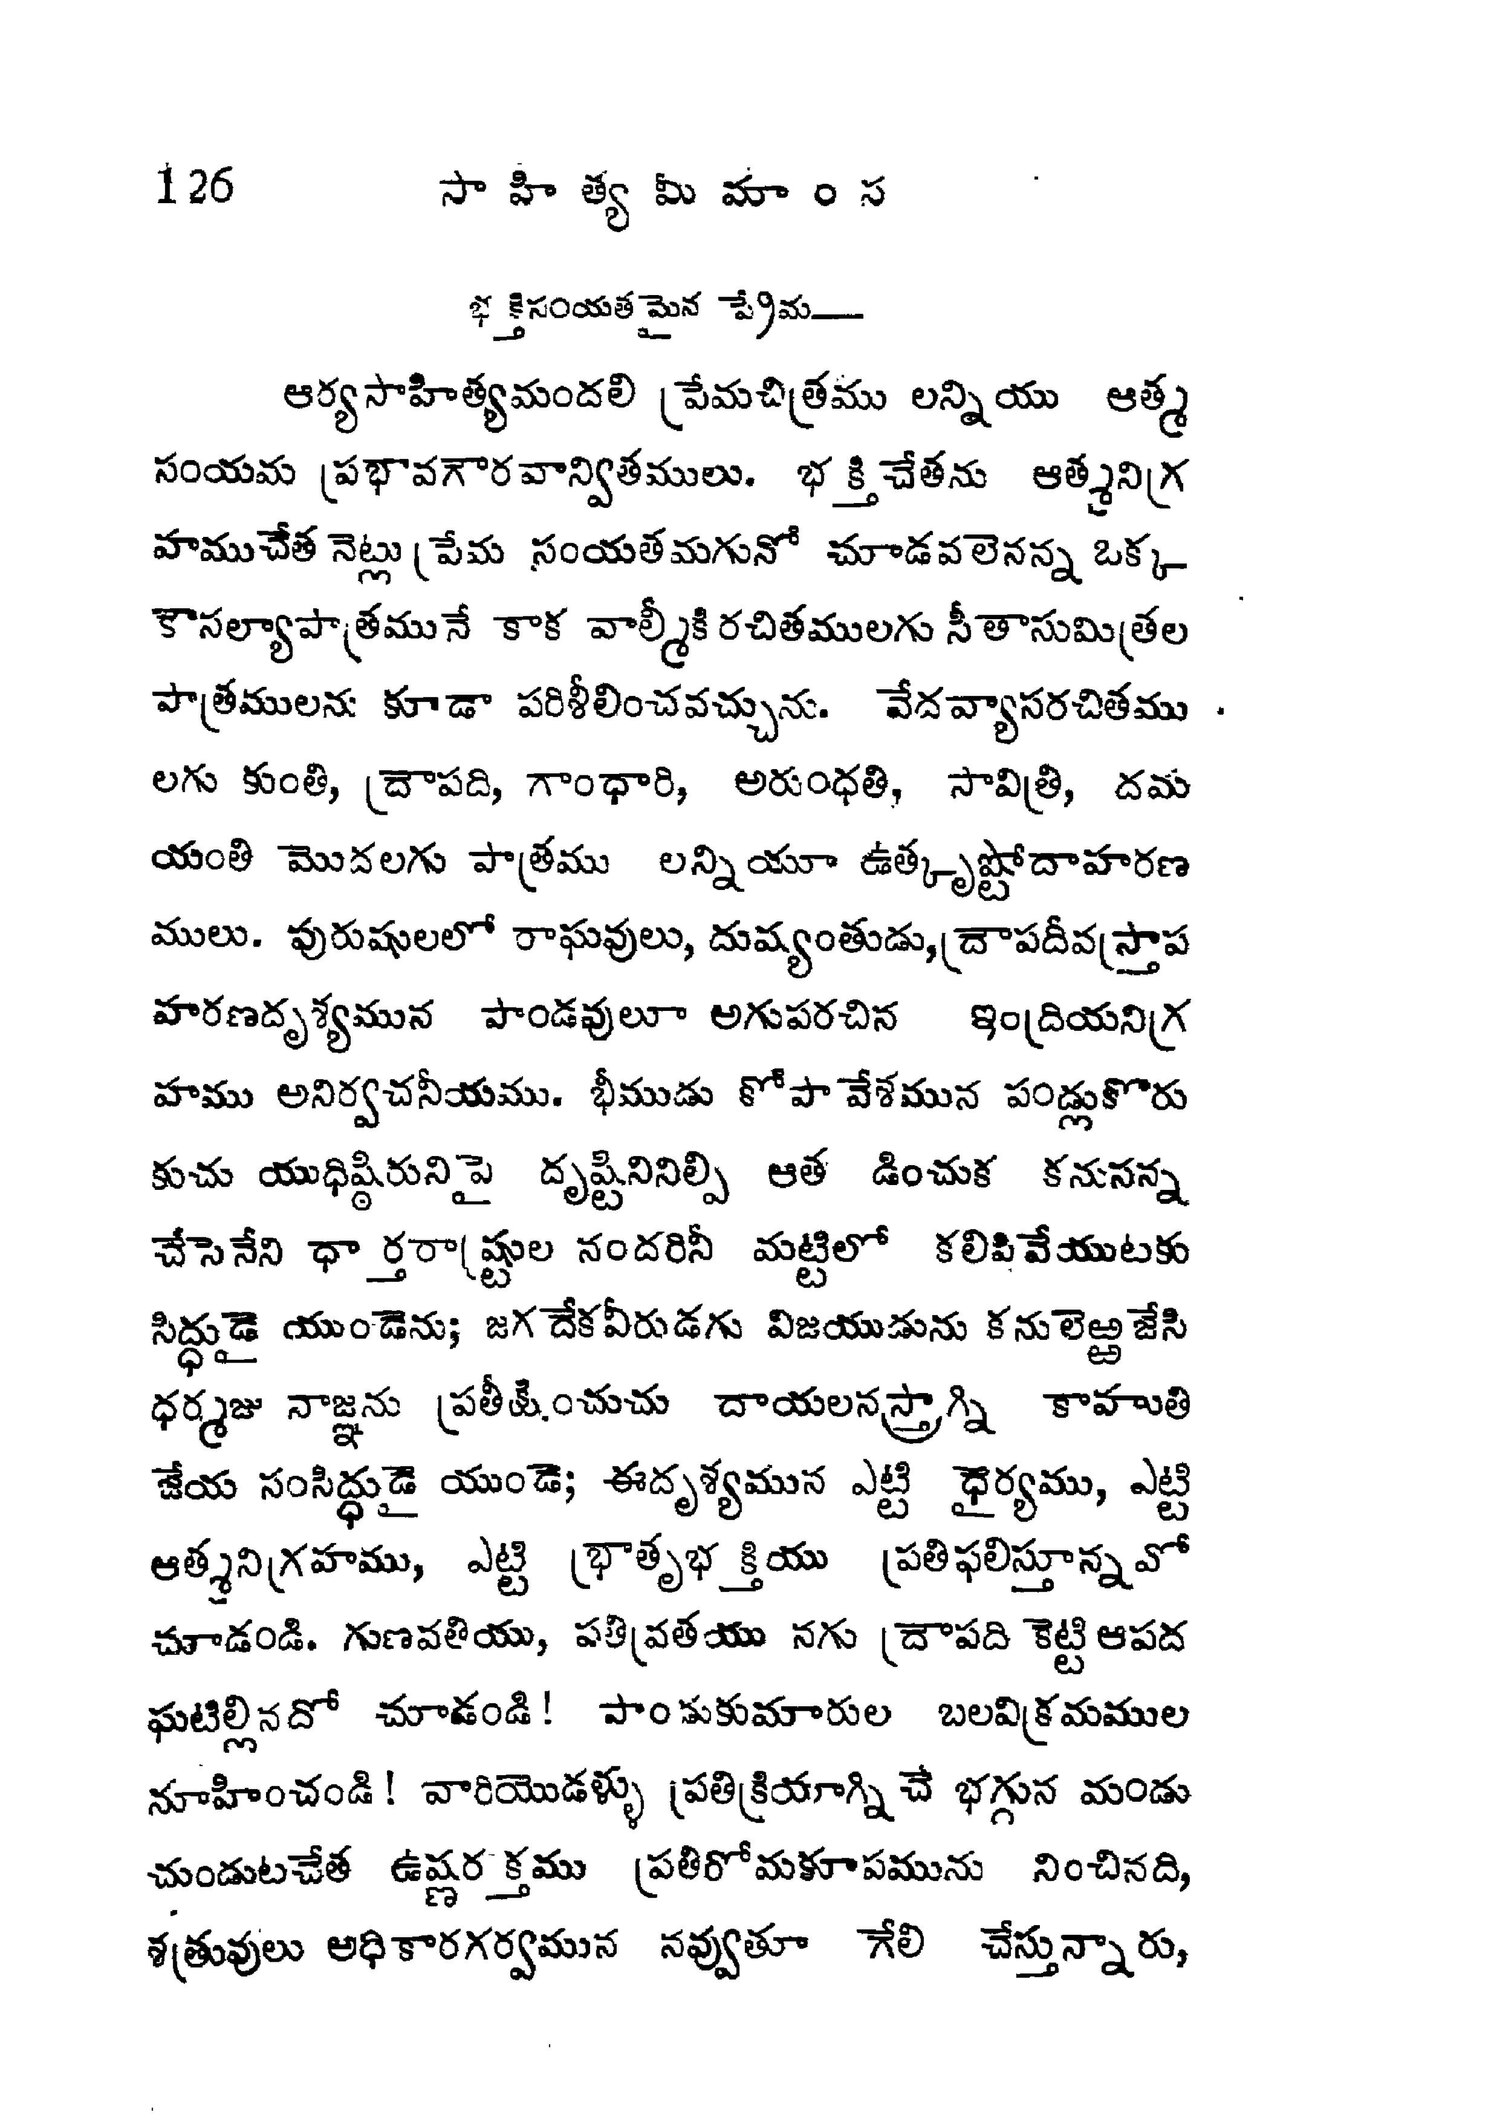ఆర్యసాహిత్యమందలి ప్రేమచిత్రము లన్నియు ఆత్మసంయమ ప్రభావగౌరవాన్వితములు. భక్తిచేతను ఆత్మనిగ్రహముచేత నెట్లు ప్రేమ సంయతమగునో చూడవలెనన్న ఒక్క కౌసల్యాపాత్రమునే కాక వాల్మీకి రచితములగు సీతాసుమిత్రల పాత్రములను కూడా పరిశీలించవచ్చును. వేదవ్యాసరచితములగు కుంతి, ద్రౌపది, గాంధారి, అరుంధతి, సావిత్రి, దమయంతి మొదలగు పాత్రము లన్నియూ ఉత్కృష్టోదాహరణములు. పురుషులలో రాఘవులు, దుష్యంతుడు, ద్రౌపదీవస్త్రాపహరణదృశ్యమున పాండవులూ అగుపరచిన ఇంద్రియనిగ్రహము అనిర్వచనీయము. భీముడు కోపావేశమున పండ్లుకొరుకుచు యుధిష్ఠిరునిపై దృష్టునినిల్పి ఆత డించుక కనుసన్న చేసెనేని ధార్తరాష్ట్రుల నందరినీ మట్టిలో కలిపివేయుటకు సిద్ధుడై యుండెను; జగదేకవీరుడగు విజయుడును కనులెఱ్ఱజేసి ధర్మజు నాజ్ఞను ప్రతీక్షించుచు దాయలనస్త్రాగ్ని కాహుతి జేయ సింసిద్ధుడై యుండె; ఈదృశ్యమున ఎట్టి ధైర్యము, ఎట్టి ఆత్మనిగ్రహము, ఎట్టి భ్రాతృభక్తియు ప్రతిఫలిస్తూన్నవో చూడండి. గుణవతియు, పతివ్రతయు నగు ద్రౌపది కెట్టి ఆపద ఘటిల్లినదో చూడండి! పాండుకుమారుల బలవిక్రమముల నూహించండి ! వారియొడళ్ళు ప్రతిక్రియాగ్నిచే భగ్గున మండుచుండుటచేత ఉష్ణరక్తము ప్రతిరోమకూపమును నించినది, శత్రువులు అధికారగర్వమున నవ్వుతూ గేలి చేస్తున్నారు,